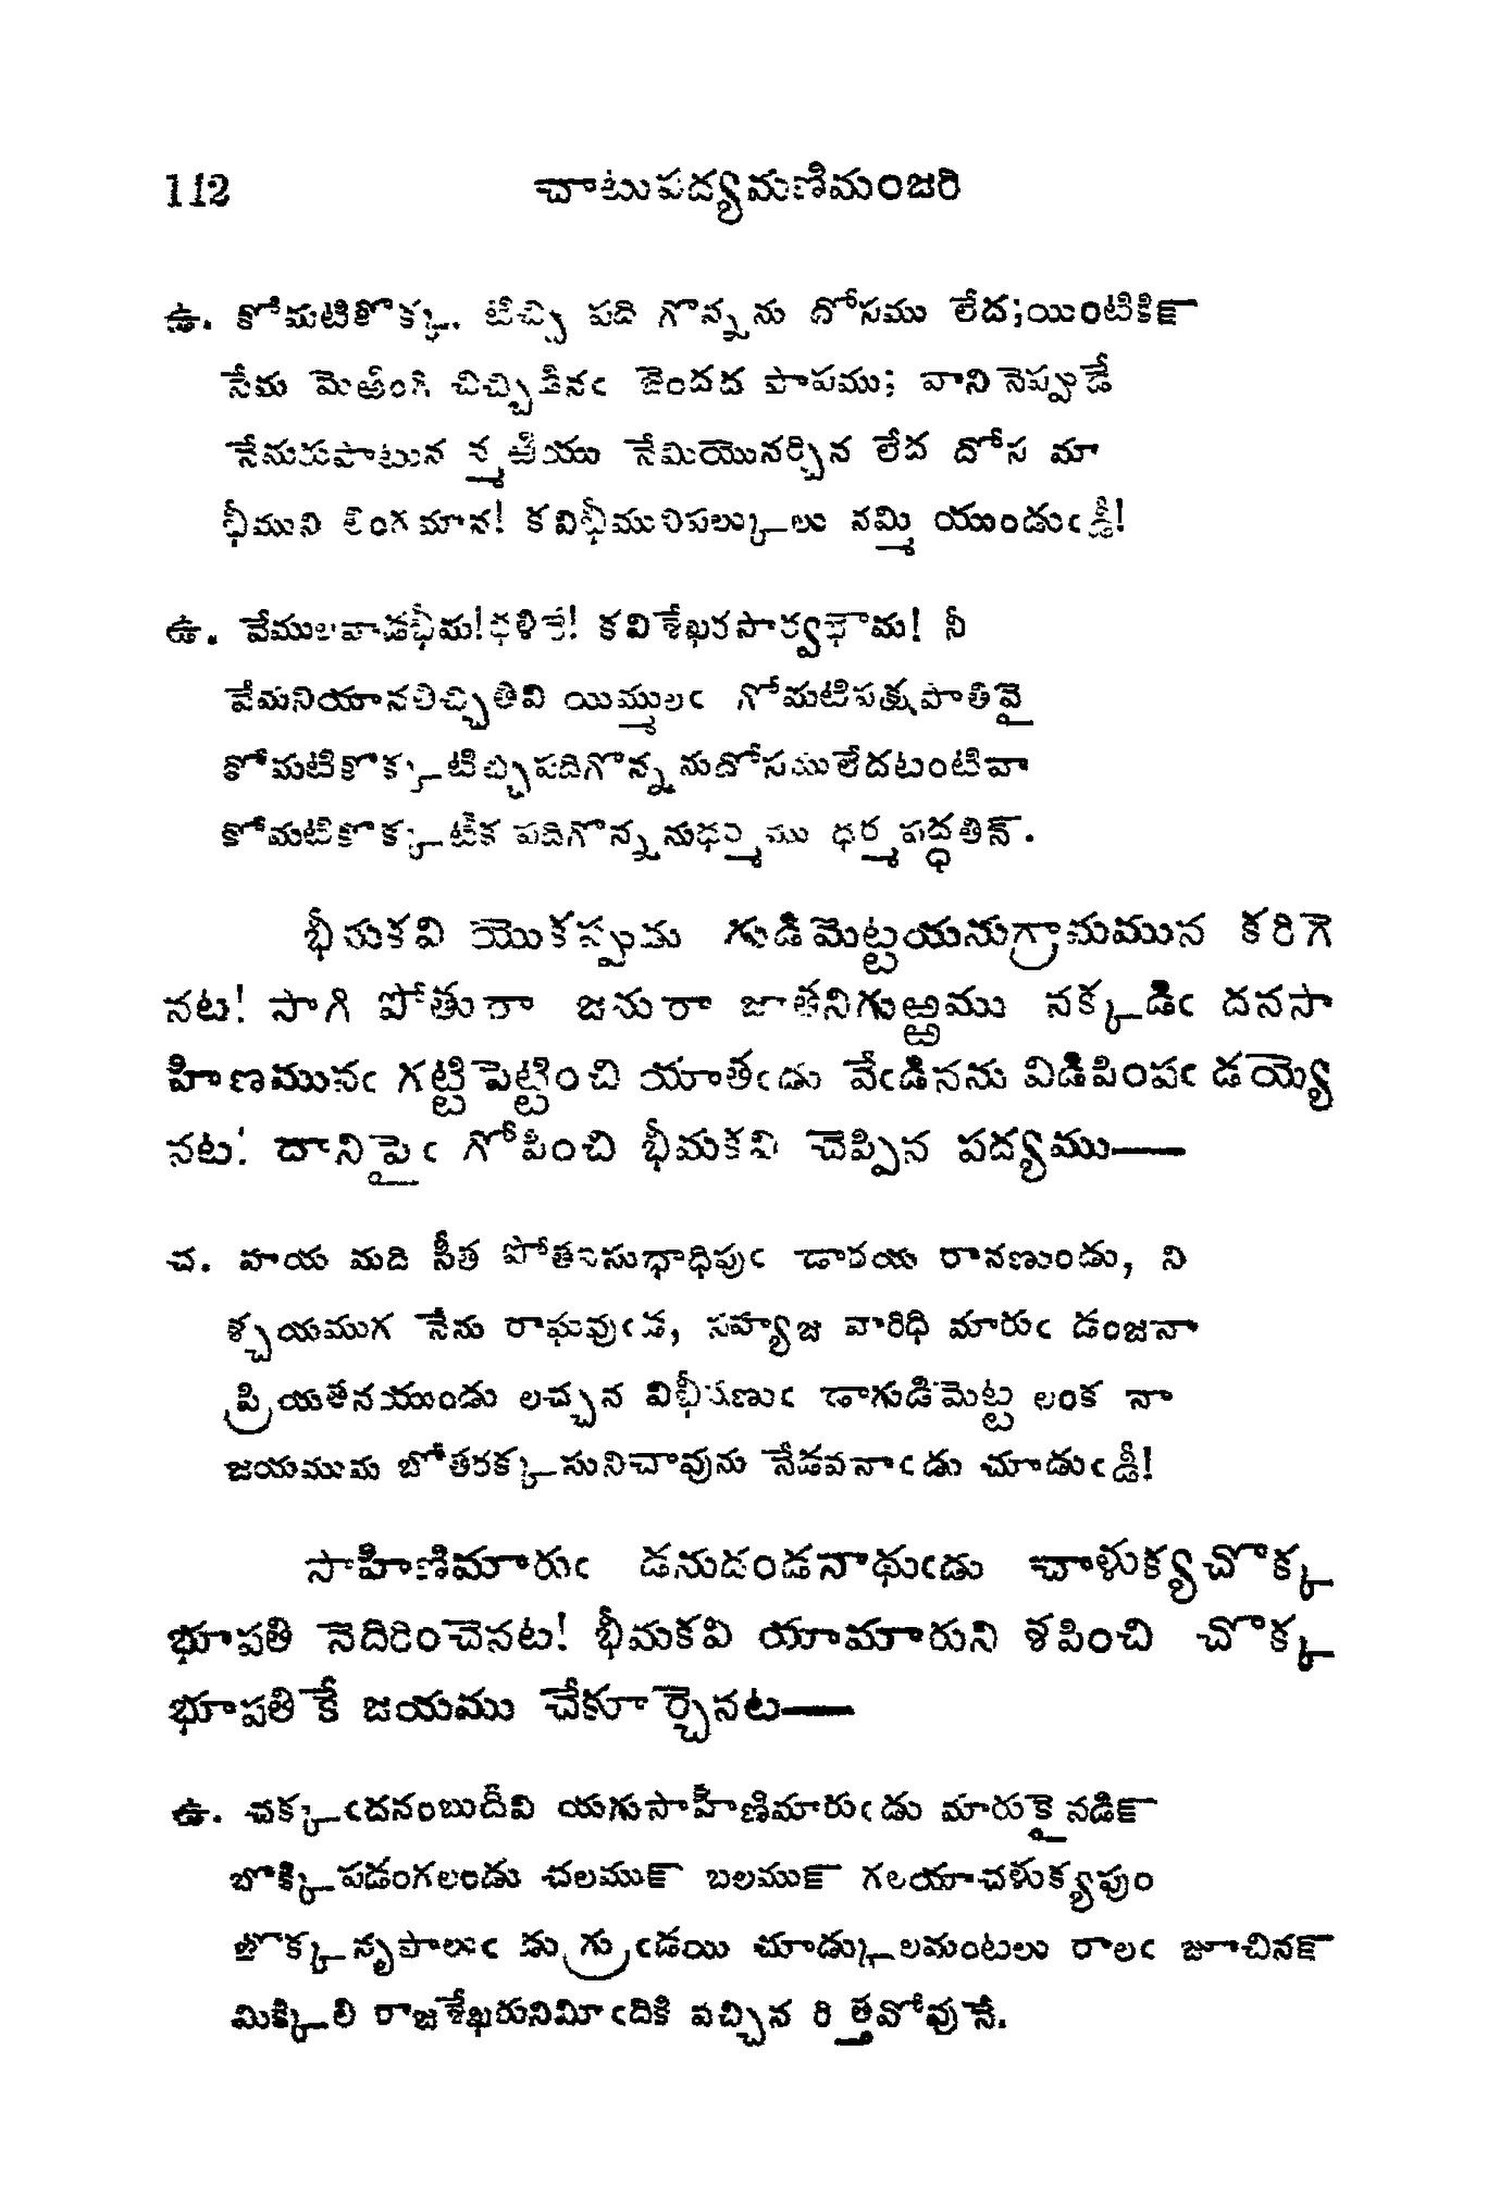ఉ. కోమటి కొక్క టిచ్చి పది గొన్నను దోసము లేద; యింటికిన్
 సేమ మెఱింగి చిచ్చిడినఁ జెందద పాపము; వాసి నెప్పుడే
 నేమరుపాటున స్మఱియు నేమియొనర్చిన లేద దోస మా
 భీముని లింగమాన! కవిభీమునిపల్కులు నమ్మి యుండుఁడీ!
ఉ. వేములవాడభీమ! భళిరే! కవిశేఖరసార్వభౌమ! నీ
 వేమని యానతిచ్చితివి యిమ్ములఁ గోమటిపక్షపాతివై
 కోమటి కొక్క టిచ్చి పదిగొన్నను దోసము లే దటంటివా
 కోమటి కొక్క టీక పదిగొన్నను ధర్మము ధర్మపద్ధతిన్.
భీమకవి యొకప్పుడు గుడిమెట్టయనుగ్రామమున కరిగెనఁట! సాగి పోతురా జనురా జాతనిగుఱ్ఱము నక్కడఁ దనసాహిణమునఁ గట్టిపెట్టించి యాతఁడు వేఁడినను విడిపింపఁ డయ్యె నఁట! దానిపైఁ గోపించి భీమకవి చెప్పిన పద్యము—
చ. హయ మది సీత పోతవసుధాధిపుఁ డారయ రావణుండు, ని
 శ్చయముగ నేను రాఘవుఁడ, సహ్యజ వారిధి మారుఁ డంజనా
 ప్రియతనయుండు లచ్చన విభీషణుఁ డాగుడిమెట్టలంక నా
 జయమును బోతరక్కసునిచావును నేడవనాఁడు చూడుఁడీ!
సాహిణమారుఁ డనుదండనాథుఁడు చాళుక్యచొక్కభూపతి నెదిరించెనఁట! భీమకవి యామారుని శపించి చొక్కభూపతికే జయము చేకుర్చెనఁట—
ఉ. చక్కఁదనంబుదీవి యగు సాహిణిమారుఁడు మారుకైవడిన్
 బొక్కిపడంగలండు చలమున్ బలమున్ గల యాచాళుక్యపుం
 జొక్కనృపాలుఁ డుగ్రుఁడయి చూడ్కులమంటలు రాలఁ జూచినన్
 మిక్కిలి రాజశేఖరునిమీఁదికి వచ్చిన రిత్తవోవునే.